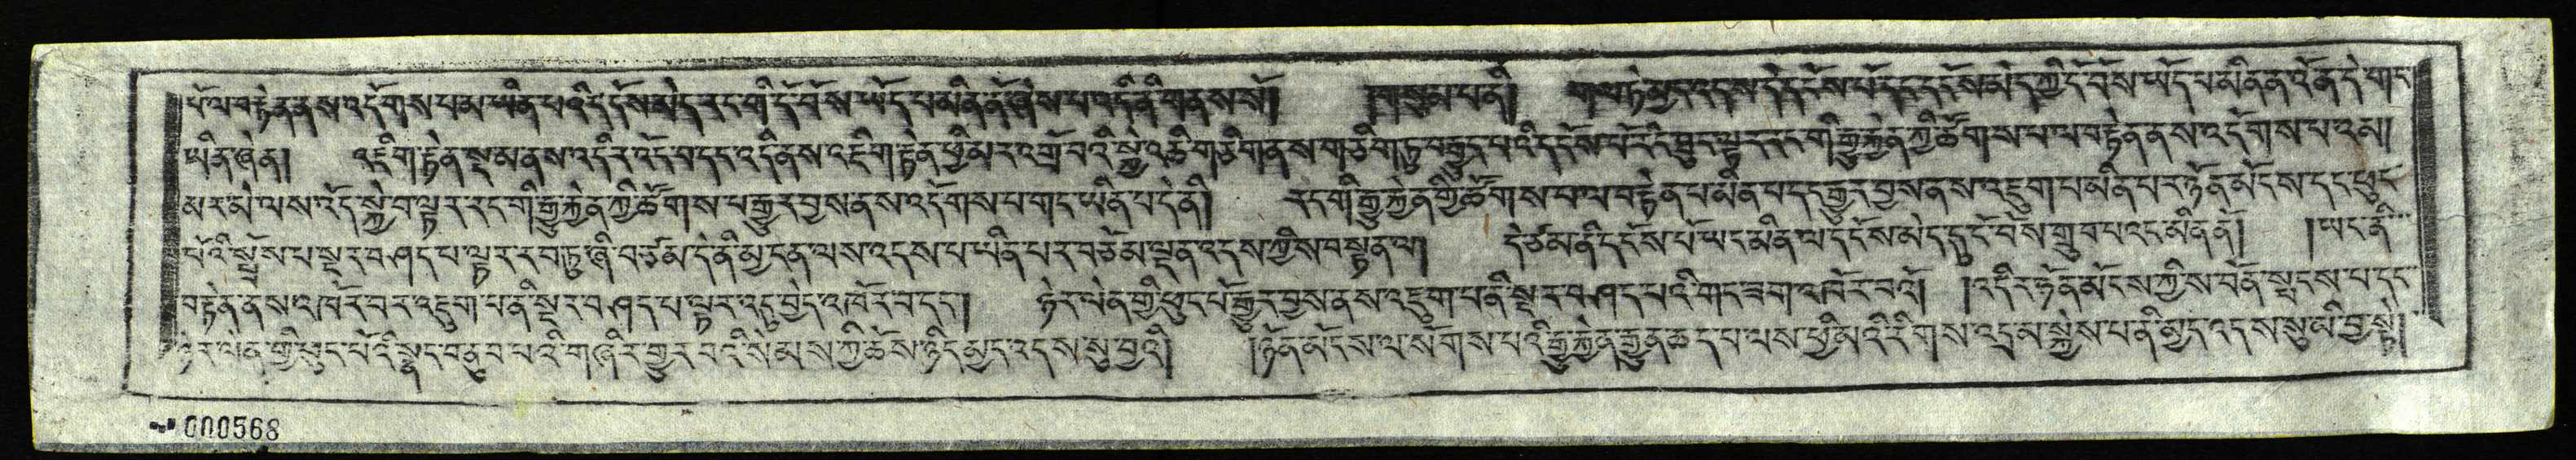པ་ལ་བརྟེན་ནས་འདོགས་པ་མ་ཡིན་པའི་དངོས་མེད་རང་གི་ངོ་བོས་ཡོད་པ་མིན་ནོ་ཞེས་པ་འདི་ནི་གནས་སོ། །གསུམ་པ་ནི། གལ་ཏེ་མྱང་འདས་དེ་དངོས་པོ་དང་དངོས་མེད་ཀྱི་ངོ་བོས་ཡོད་པ་མིན་ན་འོ་ན་དེ་གང་
ཡིན་ཞེ་ན། འཇིག་རྟེན་སྔ་མ་ནས་འདིར་འོང་བ་དང་འདི་ནས་འཇིག་རྟེན་ཕྱི་མར་འགྲོ་བའི་སྐྱེ་འཆི་གཅིག་ནས་གཅིག་ཏུ་བརྒྱུད་པའི་དངོས་པོ་རིང་ཐུང་ལྟར་རང་གི་རྒྱུ་རྐྱེན་ཀྱི་ཚོགས་པ་ལ་བརྟེན་ནས་འདོགས་པ་འམ།
མར་མེ་ལས་འོད་སྐྱེ་བ་ལྟར་རང་གི་རྒྱུ་རྐྱེན་གྱི་ཚོགས་བརྒྱུར་བྱས་ནས་འདོགས་པ་གང་ཡིན་པ་དེ་ནི། རང་གི་རྒྱུ་རྐྱེན་གྱི་ཚོགས་པ་ལ་བརྟེན་པ་མིན་པ་དང་རྒྱུར་བྱས་ནས་འཇུག་པ་མིན་པར་ཉོན་མོངས་དང་ཕུང་
པོའི་སྤྲོས་པ་སྔར་བཤད་པ་ལྟར་རབ་ཏུ་ཞི་བ་ཙམ་དེ་ནི་མྱ་ངན་ལས་འདས་པ་ཡིན་པར་བཅོམ་ལྡན་འདས་ཀྱིས་བསྟན་ལ། དེ་ཙམ་ནི་དངོས་པོ་ཡང་མིན་ལ་དངོ་སྨེད་དུ་ངོ་བོས་གྲུབ་པའང་མིན་ནོ། །ཡང་ནི་
བརྟེན་ནས་འཁོར་བར་འཇུག་པ་ནི་སྔར་བཤད་པ་ལྟར་འདུ་བྱེད་འཁོར་བ་དང་། ཉེར་ལེན་གྱི་ཕུང་པོ་རྒྱུར་བྱས་ནས་འཇུག་པ་ནི་སྔར་བཤད་པའི་གང་ཟག་འཁོར་བའོ། །འདིར་ཉོན་མོངས་ཀྱི་ས་བོན་སྤངས་པ་དང་
ཉེར་ལེན་གྱི་ཕུང་པོའི་སྣང་བ་ནུབ་པའི་གཞིར་གྱུར་བའི་སེམས་ཀྱི་ཆོས་ཉིད་མྱང་འདས་སུ་བྱའི། །ཉོན་མོངས་ལ་སོགས་པའི་རྒྱུ་རྐྱེན་རྒྱུན་ཆད་པ་ལས་ཕྱི་མའི་རིགས་འདྲ་མ་སྐྱེས་པ་ནི་མྱང་འདས་སུ་མི་བྱ་སྟེ།